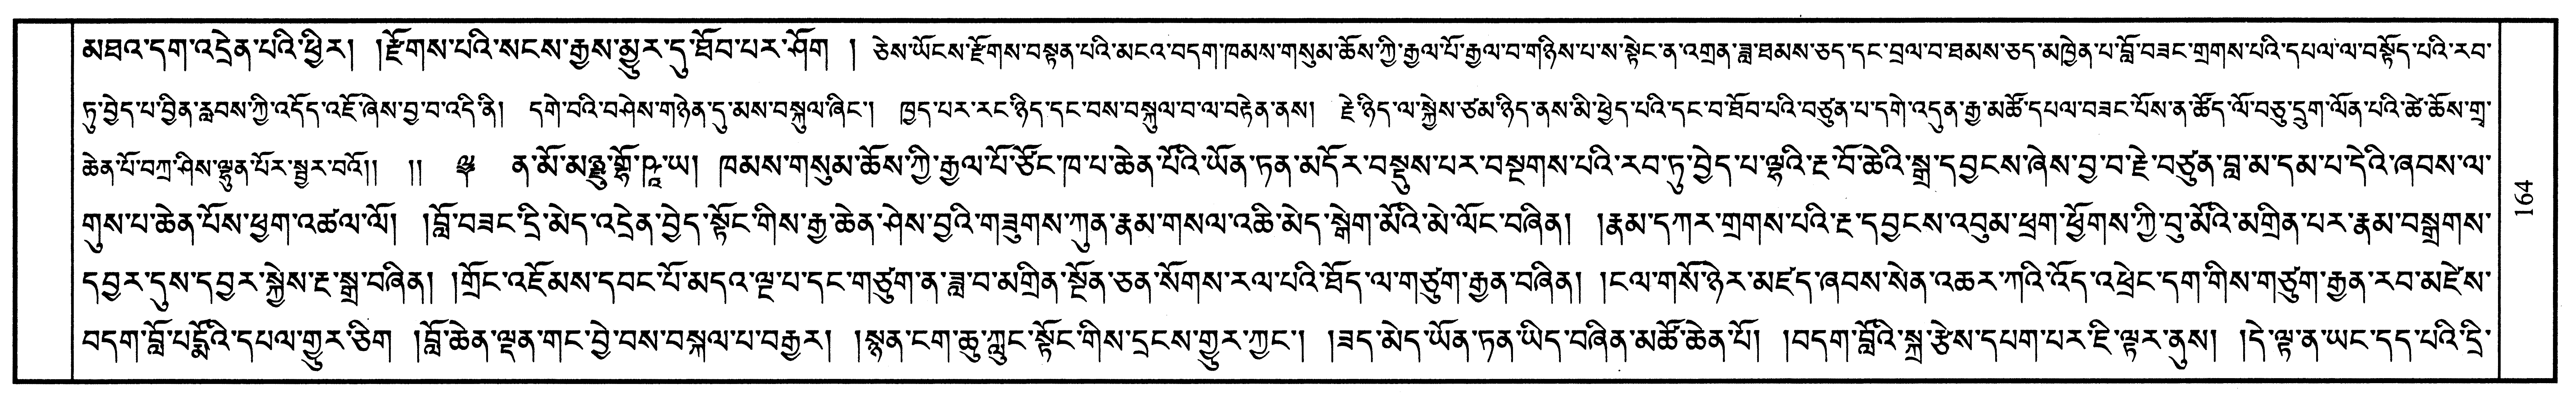མཐའ་དག་འདྲེན་པའི་ཕྱིར། །རྫོགས་པའི་སངས་རྒྱས་མྱུར་དུ་ཐོབ་པར་ཤོག །ཅེས་ཡོངས་རྫོགས་བསྟན་པའི་མངའ་བདག་ཁམས་གསུམ་ཆོས་ཀྱི་རྒྱལ་པོ་རྒྱལ་བ་གཉིས་པ་ས་སྟེང་ན་འགྲན་ཟླ་ཐམས་ཅད་དང་བྲལ་བ་ཐམས་ཅད་མཁྱེན་པ་བློ་བཟང་གྲགས་པའི་དཔལ་ལ་བསྟོད་པའི་རབ་
ཏུ་བྱེད་པ་བྱིན་རླབས་ཀྱི་འདོད་འཇོ་ཞེས་བྱ་བ་འདི་ནི། དགེ་བའི་བཤེས་གཉེན་དུ་མས་བསྐུལ་ཞིང་། ཁྱད་པར་རང་ཉིད་དང་བས་བསྐུལ་བ་ལ་བརྟེན་ནས། རྗེ་ཉིད་ལ་སྐྱེས་ཙམ་ཉིད་ནས་མི་ཕྱེད་པའི་དང་བ་ཐོབ་པའི་བཙུན་པ་དགེ་འདུན་རྒྱ་མཚོ་དཔལ་བཟང་པོས་ན་ཚོད་ལོ་བཅུ་དྲུག་ལོན་པའི་ཚེ་ཆོས་གྲྭ་
ཆེན་པོ་བཀྲ་ཤིས་ལྷུན་པོར་སྦྱར་བའོ།། །། ༈ ན་མོ་མཉྫུ་གྷོ་ཥཱ་ཡ། ཁམས་གསུམ་ཆོས་ཀྱི་རྒྱལ་པོ་ཙོང་ཁ་པ་ཆེན་པོའི་ཡོན་ཏན་མདོར་བསྡུས་པར་བསྔགས་པའི་རབ་ཏུ་བྱེད་པ་ལྷའི་རྔ་བོ་ཆེའི་སྒྲ་དབྱངས་ཞེས་བྱ་བ་རྗེ་བཙུན་བླ་མ་དམ་པ་དེའི་ཞབས་ལ་
གུས་པ་ཆེན་པོས་ཕྱག་འཚལ་ལོ། །བློ་བཟང་དྲི་མེད་འདྲེན་བྱེད་སྟོང་གིས་རྒྱ་ཆེན་ཤེས་བྱའི་གཟུགས་ཀུན་རྣམ་གསལ་འཆི་མེད་སྒེག་མོའི་མེ་ལོང་བཞིན། །རྣམ་དཀར་གྲགས་པའི་རྔ་དབྱངས་འབུམ་ཕྲག་ཕྱོགས་ཀྱི་བུ་མོའི་མགྲིན་པར་རྣམ་བསྒྲགས་
དབྱར་དུས་དབྱར་སྐྱེས་རྔ་སྒྲ་བཞིན། །གྲོང་འཇོམས་དབང་པོ་མདའ་ལྔ་པ་དང་གཙུག་ན་ཟླ་བ་མགྲིན་སྔོན་ཅན་སོགས་རལ་པའི་ཐོད་ལ་གཙུག་རྒྱན་བཞིན། །ངལ་གསོ་ཉེར་མཛད་ཞབས་སེན་འཆར་ཀའི་འོད་འཕྲེང་དག་གིས་གཙུག་རྒྱན་རབ་མཛེས་
བདག་བློ་པདམོའི་དཔལ་གྱུར་ཅིག །བློ་ཆེན་ལྡན་གང་བྱེ་བས་བསྐལ་པ་བརྒྱར། །སྙན་ངག་ཆུ་ཀླུང་སྟོང་གིས་དྲངས་གྱུར་ཀྱང་། །ཟད་མེད་ཡོན་ཏན་ཡིད་བཞིན་མཚོ་ཆེན་པོ། །བདག་བློའི་སྐྲ་རྩེས་དཔག་པར་ཇི་ལྟར་ནུས། །དེ་ལྟ་ན་ཡང་དད་པའི་དྲི་